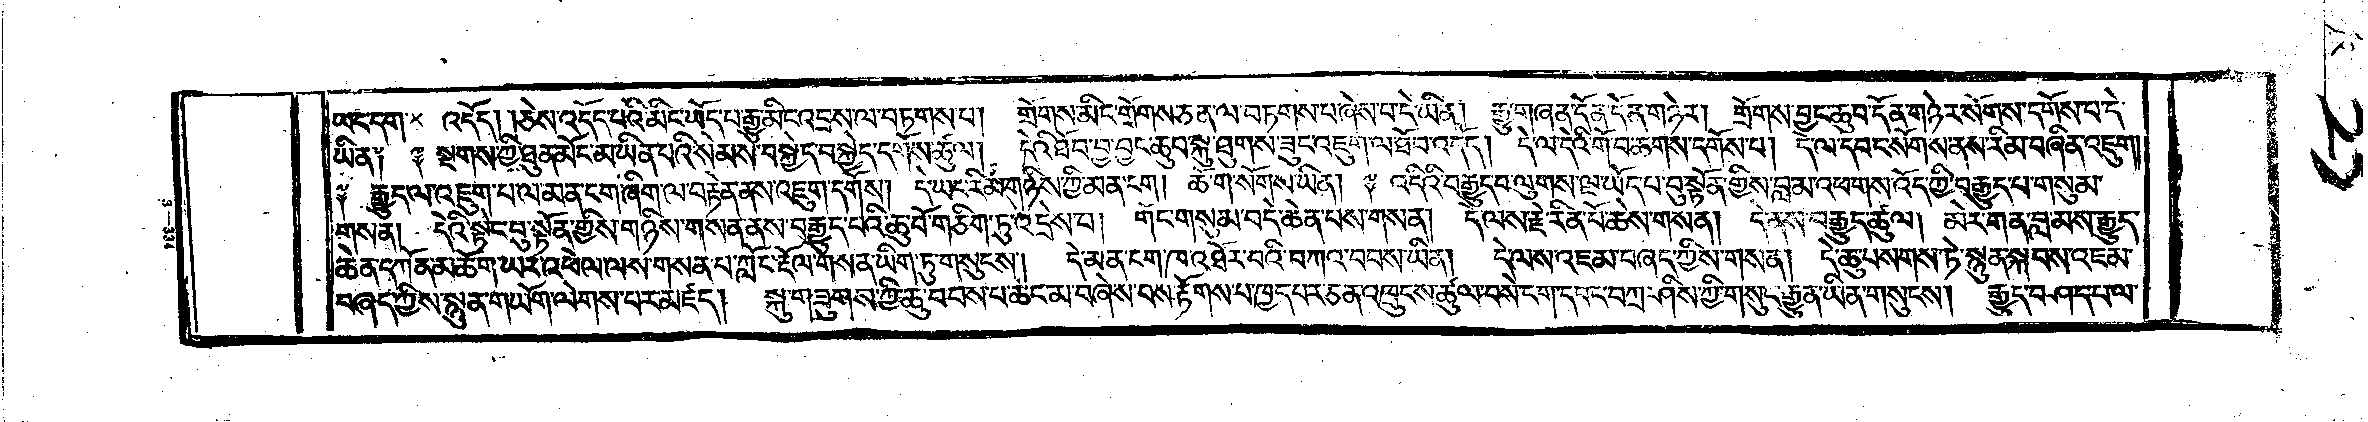ཡང་དག྾་འདོད། །ཅེས་༑དོད་པའི་མིང་ཡོད་པ་རྒྱུ་མིང་འབྲས་ལ་བཏགས་པ། གྲོགས་མིང་གྲོགས་ཅན་ལ་བཏགས་པ་ཞེས་བ་དེ་ཡིན། རྒྱུ་གཞན་དོན་དོན་གཉེར། གྲོགས་བྱང་ཆུབ་དོན་གཉེར་སོགས་དགོས་པ་དེ་
ཡིནའ་༈ སྔགས་ཀྱི་ཐུན་མོང་མ་ཡིན་པའི་སེམས་བསྐྱེད་བསྐྱེད་དགོས་ཚུལ། དེའི་ཐོབ་བྱ་བྱངས་ཆུབ་སྐུ་ཐུགས་ཟུང་འཇུག་ལ་ཐོབ་འདོད། དེ་ལ་དེའི་གོ་བ་ཆགས་དགོས་པ། དེ་ལ་དབང་སོགས་ནས་རིན་བཞིན་འགུག།
༈ རྒྱུད་ལ་འཇུག་པ་ལ་མན་ངག་ཞིག་ལ་བརྟེན་ནས་འཇུག་དགོས། དེ་ཡང་རིམ་གཉིས་ཀྱི་མན་ངག། ཆོ་ག་སོགས་ཡིན། ༈ འདིའི་བརྒྱུད་བ་ལུགས་ལྔ་ཡོད་པ་བུ་སྟོན་གྱི་བླ་མ་འཕགས་འོད་ཀྱི་བརྒྱུད་པ་གསུམ་
གསན། དེའི་སྟེང་བུ་སྟོན་གྱིས་གཉིས་གསན་ནས་བརྒྱུད་པའི་ཆུ་བོ་གཅིག་ཏུ་འདྲེས་པ། གོང་གསུམ་བདེ་ཆེན་པས་གསན། དེ་ལ་རྗེ་རིན་པོ་ཆེས་གསན། དེ་ནས་བརྒྱུད་ཚུལ། མེར་གན་བླ་མས་རྒྱུད་
ཆེན་དཀོན་མཆོག་ཡར་འཕེལ་ལས་གསན་པ་ཀློང་རྡོལ་གསན་ཡིག་ཏུ་གསུངས། དེ་མན་ངག་ཁ་འཐོར་པའི་བཀའ་བབས་ཡིན། དེ་ལས་འཇམ་བཞད་ཀྱིས་གསན། དེ་ཆུ་བསགས་ཏེ་སྙུན་སྐབས་འཇམ་
བཞད་ཀྱིས་སྙུན་གཡོག་ལེགས་པར་མཛད། སྐུ་གཟུགས་ཀྱི་ཆུ་བབས་པ་ཚང་མ་བཞེས་པས་རྟོགས་པ་ཁྱད་པར་ཅན་འཁྲུངས་ཚུལ་བསེ་ངག་དབང་བཀྲ་ཤིས་ཀྱི་གསུང་རྒྱུན་ཡིན་གསུངས། རྒྱུད་བཤད་པ་ལ་